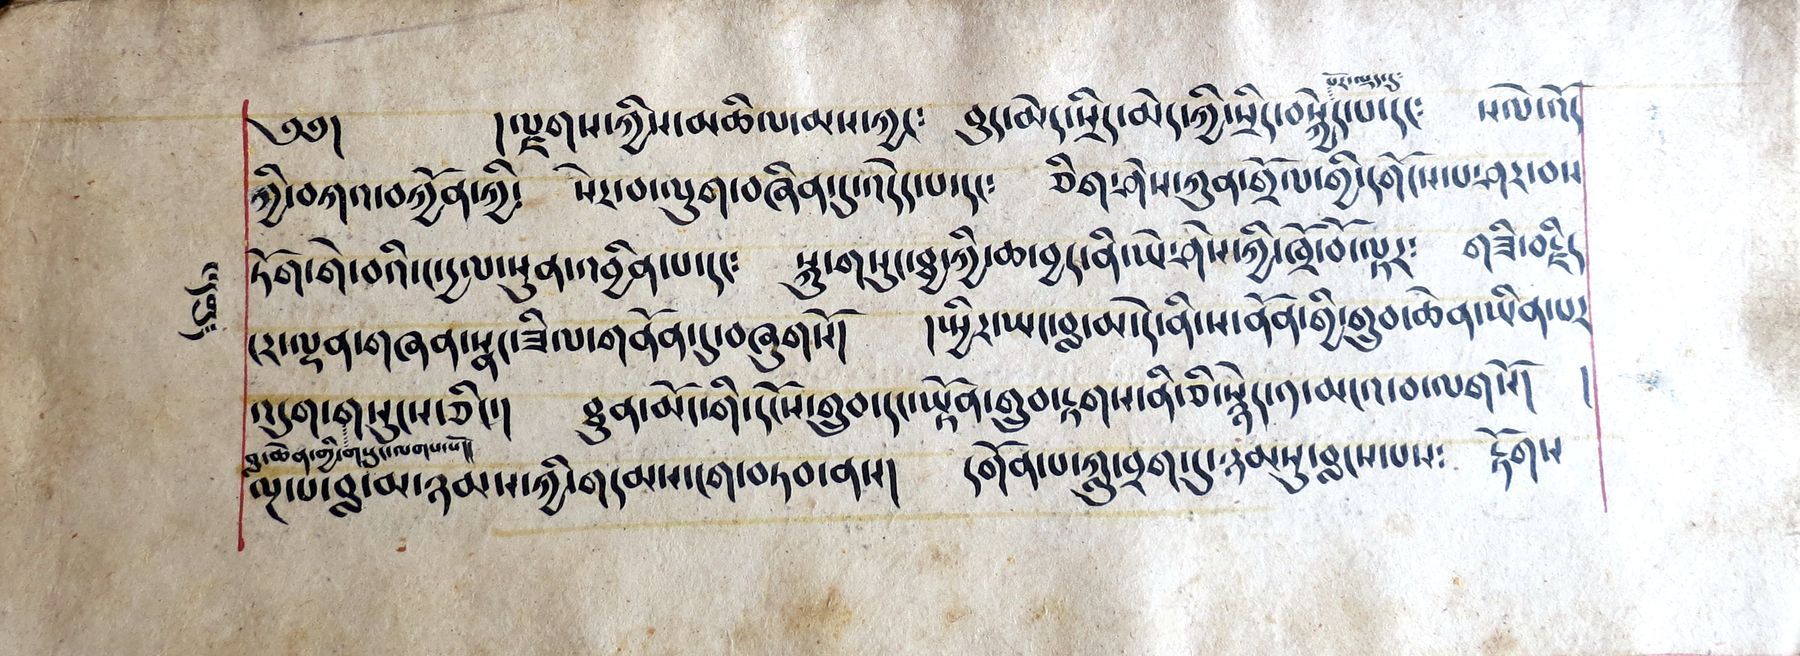ལྗགས་ཀྱི་མཆིལ་མས་ཀྱང་བུད་མེད་སྲིད་མེད་ཀྱི་སྲིད་བསྐྱེད་པ་༼པོར་ལྡད་དུ༽དང་། སལེ་འོད་
ཀྱི་བཀའ་བཀྱོན་གྱིས་སེར་བ་ལུག་བཞིན་འདེད་པ་དང་། གཅིག་ཤེས་ཀུན་གྲོལ་གྱི་དགོངས་པ་ཤར་བས། 
རྟོག་གེ་བའི་ང་རྒྱལ་སུན་འབྱིན་པ་དང་། སྐུ་གསུང་ཐུགས་ཀྱི་ཆ་བྱད་ནི་ཡེ་ཤེས་ཀྱི་ཁྲོ་བོ་ལྟར་གཟི་བརྗིད་
ངར་ལྡན་གཞན་སྣང་ཟིལ་ནོན་དུ་བཞུགས་སོ། སྤྱིར་ཡང་བླ་མ་དེ་ནི་ས་ནོན་གྱི་གྲུབ་ཆེན་ཡིན་པར་
༼བླ་ཆེན་གྱིས་གསུང་ལགས་སོ༽གསུངས་ཤིང་། ཐུན་མོང་གི་དངོས་གྲུབ་དང་ཡོན་ཏན་གྲུབ་རྟགས་ནི་ཅི་སྙེད་ཅིག་མངའ་བ་ལགས་སོ། །
ལྔ་པ་བླ་མས་ཉམས་ཀྱི་གདམས་ངག་བཏབ་ནས། དགོན་པ་ཀླུ་བྲག་ཏུ་ཉམས་སུ་བླངས་པས། རྟོགས་